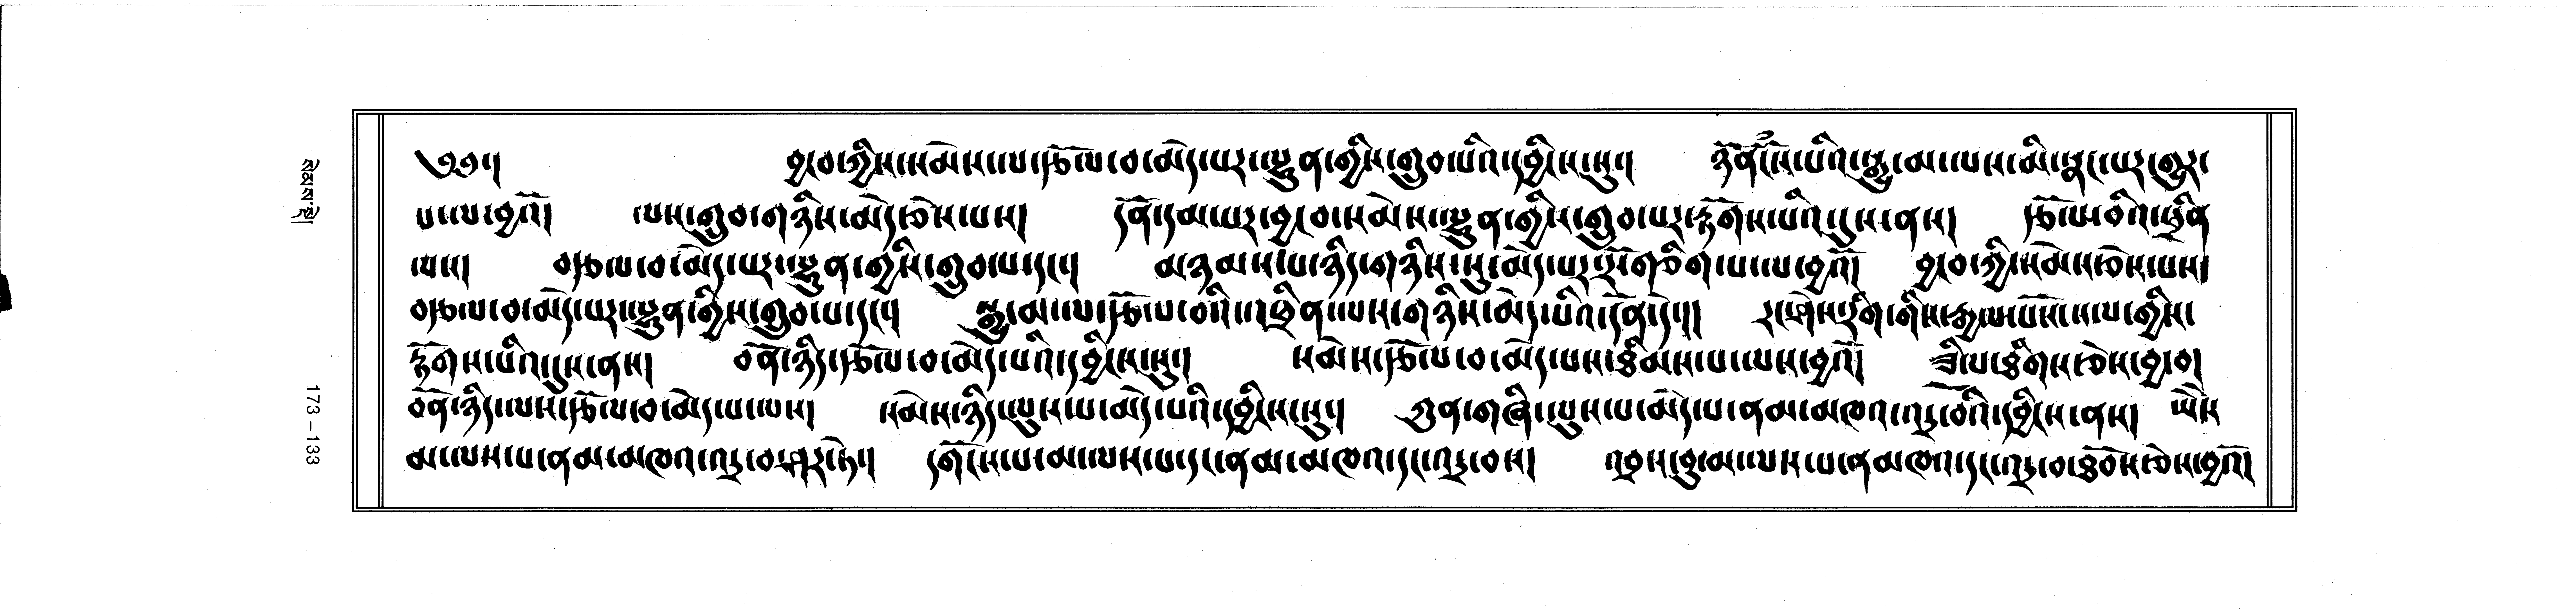བྱང་ཆུབ་ཀྱི་སེམས་ལ་རྩོལ་བ་མེད་པར་ལྷུན་གྱིས་གྲུབ་པའི་དབྱིངས་སུ། ཉོན་མོངས་པའི་ཤུགས་མི་སྣང་བར་གྱུར་
པ་ལ་བྱའོ། །ལས་གྲུབ་གཉིས་མེད་ཅེས་པས། དོན་དམ་པར་བྱང་ཆུབ་སེམས་ལྷུན་གྱིས་གྲུབ་པར་རྟོགས་པའི་དུས་ན། རྩོལ་བའི་འཕྲིན་
ལས་བརྩལ་བ་མེད་པར་ལྷུན་གྱིས་གྲུབ་པ་དང་། མཉམ་པ་ཉིད་གཉིས་སུ་མེད་པར་རོ་གཅིག་པ་ལ་བྱའོ། །བྱང་ཆུབ་སེམས་ཅེས་པས། 
བརྩལ་བ་མེད་པར་ལྷུན་གྱིས་གྲུབ་པ་དང་། སྒྱུ་མ་ལ་རྩོལ་བའི་འཕྲིན་ལས་གཉིས་མེད་པའི་དོན་དེ་གཉིས་སུ་མེད་པའི་དོན་དེ། རང་ཤེས་རིག་གི་རྒྱལ་པོས་སལ་གྱིས་
པའི་དུས་ནས། བོན་ཉིད་རྩོལ་བ་མེད་པའི་དབྱིངས་སུ། སེམས་ཉིད་རྩོལ་བ་མེད་པར་ཐིམ་པ་ལ་བྱའོ། །ཟིལ་ཐིག་ཅེས་བྱ་བ། 
བོན་ཉིད་རྩོལ་བ་མེད་པ་ལས་སེམས་ཉིད་ལུས་པ་མེད་པའི་དབྱིངས་སུ། ཀུན་གཞི་ལུས་པ་མེད་པ་ནམ་མཁའ་དང་འདྲ་བའི་དབྱིངས་ནས། ཡེ་ཤེས་
མ་ལུས་པ་ནམ་མཁའ་དང་འདྲ་བ་ཤར་ཏེ། དགོངས་པ་མ་ལུས་པ་ནམ་མཁའ་དང་འདྲ་བས། འབྲས་བུ་མ་ལུས་པ་ནམ་མཁའ་དང་འདྲ་བ་ཐོབ་ཅེས་བྱའོ། །